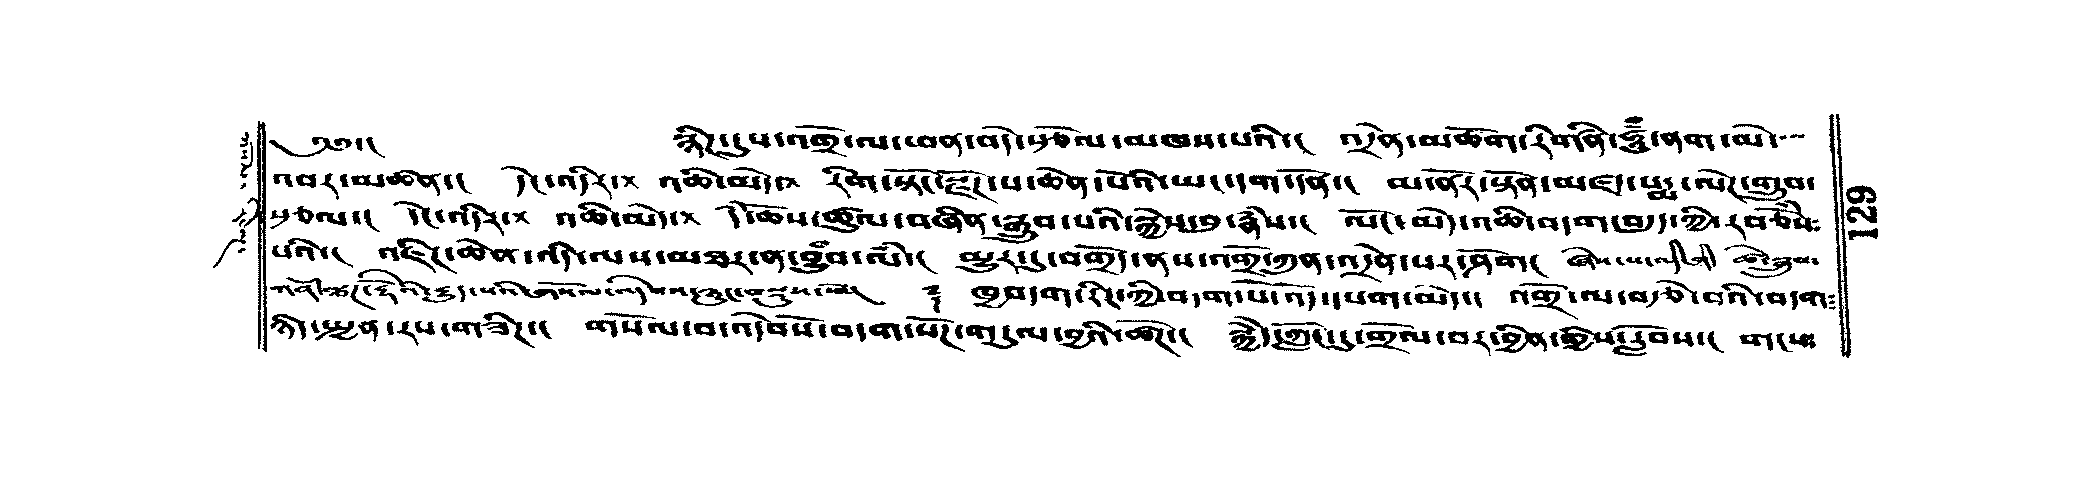།སྙིགས་དུས་འགྲོ་ལ་ཕན་བདེ་སྩོལ་མཁས་པའི། །འདྲེན་མཆོག་རིག་འཛིན་ཧཱུྃ་ནག་མེ་
འབར་མཚན། །དེང་འདིར༴ །འཆི་མེད༴ །རིག་སྟོང་རྫོགས་པ་ཆེན་པོའི་ཡང་དག་དོན། །མ་ནོར་སྟོན་མཛད་པདྨ་ལེགས་གྲུབ་
རྩལ། །དེང་འདིར༴ །འཆི་མེད༴ །དམ་ཆོས་ཚུལ་བཞིན་སྒྲུབ་པའི་སྐྱེས་བུ་རྣམས། །ལོང་མེད་འཆི་བདག་བདུད་ཀྱི་རབ་བཅོམ་
པའི། །འཇིགས་ཆེན་འདི་ལས་ཐར་ཏེ་བྱང་ཆུབ་ལམ་། མྱུར་དུ་བགྲོད་ནས་འགྲོ་ཀུན་འདྲེན་པར་ཤོག ཅེས་པ་འདི་ནི་ཚེ་སྒྲུབ་
གནམ་ལྕགས་རྡོ་རྗེའི་རྒྱུད་པའི་གསོལ་འདེབས་ཉུང་བསྡུས་སོ། ༈ ཁྱབ་བདག་རིགས་ཀྱི་བདག་པོ་འོད་དཔག་མེད། །འགྲོ་ལ་བརྩེ་བའི་བདག་
ཉིད་སྤྱན་རས་གཟིགས། །གསོལ་བ་འདེབས་སོ་བདག་སོགས་གདུལ་བྱའི་ཚོགས། །སྐྱེ་མེད་ཀློང་དུ་གྲོལ་བར་བྱིན་གྱིས་རློབས། །གངས་